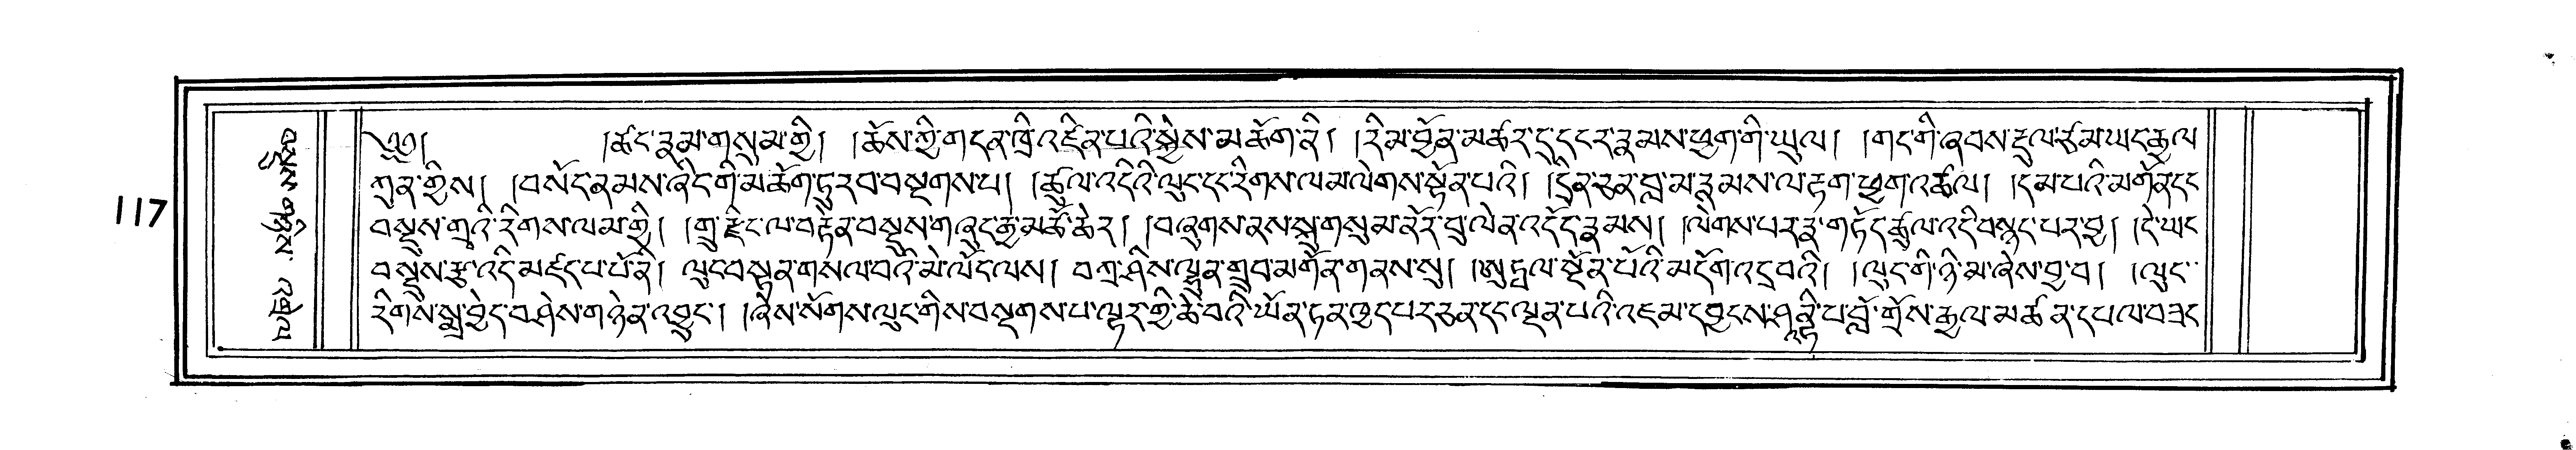༄༅། །ཚང་རྣམ་གསུམ་གྱི། །ཆོས་ཀྱི་གདན་ཁྲི་འཛིན་པའི་སྐྱེས་མཆོག་ནི། རིམ་བྱོན་མཚར་དུ་དངར་རྣམས་ཕྱག་གི་ཡུལ། །གང་གི་ཞབས་རྡུལ་ཙམ་ཡང་རྒྱལ་
ཀུན་གྱིས། །བསོད་ནམས་ཞིང་གི་མཆོག་ཏུ་རབ་བསྔགས་པ། །ཚུལ་འདིའི་ལུང་དང་རིགས་ལམ་ལེགས་སྟོན་པའི། །དྲིན་ཅན་བླ་མ་རྣམས་ལ་རྟག་ཕྱག་འཚལ། །དམ་པའི་མགོན་དང་
བསྡུས་གྲྭའི་རིགས་ལམ་གྱི། །གྲུ་རྫིང་ལ་བརྟེན་བསྡུས་གཞུང་རྒྱ་མཚོ་ཆེར། །བཞུགས་ནས་སྐུ་གསུམ་ནོར་བུ་ལེན་འདོད་རྣམས། །ལེགས་པར་རྣ་གཏོད་ཚུལ་འདི་བསྙད་པར་བྱ། །དེ་ཡང་
བསྡུས་རྩ་འདི་མཛད་པ་པོ་ནི། ལུང་བསྟན་གསལ་བའི་མེ་ལོང་ལས། བཀྲ་ཤིས་ལྷུན་གྲུབ་མགོན་གནས་སུ། །ཨུཏྤལ་སྔོན་པོའི་མདོག་འདྲ་བའི། །ལུང་གི་ཉི་མ་ཞེས་བྱ་བ། །ལུང་
རིག་སྨྲ་བྱེད་བཤེས་གཉེན་འབྱུང་། །ཞེས་སོགས་ལུང་གིས་བསྔགས་པ་ལྟར་གྱི་ཆེ་བའི་ཡོན་ཏན་ཁྱད་པར་ཅན་དང་ལྡན་པའི་འཇམ་དབྱངས་ཤཱནྟི་པ་བློ་གྲོས་རྒྱལ་མཚན་དཔལ་བཟང་